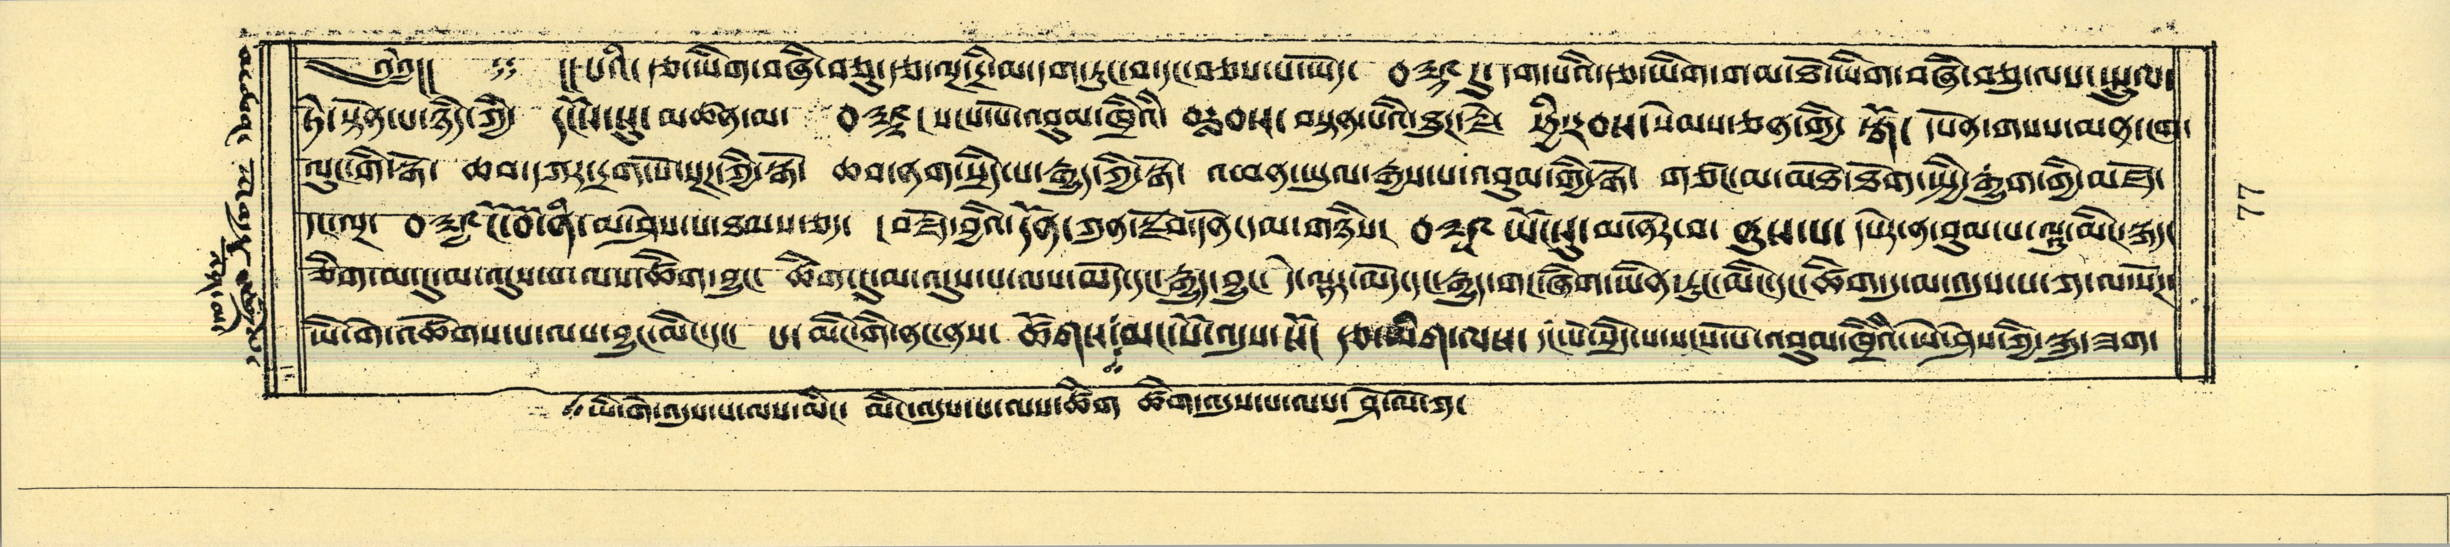༼པའི༽རྩ་ཡིག་བཞི་བཅུ་རྩ་ལྔ་དྲི་མ་དག་རུང་བ་དང་བཅས་པ་ཡོད། བ༣༩།༼དུ༽དག་པའི་རྩ་ཡིག་གམ་ཐོ་ཡིག་བཞི་བཅུ་ལས་སྤྲུལ་
ཏེ་སྟོན་པ་ཉིད་ཀྱི་༼དངོས་སུ༽མཚན་མ་བ༣༩།༢སངས་པོ་འབུམ་ཁྲིའི་༼བརླབས༽བསྟན་པའི་ཐུགས་རྗེ་༼ཕྱི་རབས༽སེམས་ཅན་གྱི་༼སྒོ༽དཔོན་གསས་མན་ངག་
ལུང་གི་སྒོ། ཆབ་དཀར་དྲག་པོ་སྔགས་ཀྱི་སྒོ། ཆབ་ནག་སྲིད་པ་རྒྱུད་ཀྱི་སྒོ། འཕན་ཡུལ་རྒྱས་པ་འབུམ་གྱི་སྒོ། གཙང་མ་མཐོ་ཐོག་སྤྱི་རྒྱུག་གི་མཛོད་
དང་ལྔ། བ༣༩།༤༼ངོ་བོ་ནི༽མ་ཤེས་པ་ཐམས་ཅད། བརྗོད་བྱའི་༼དོན༽ཀུན་རྫོབ་དོན་དམ་གཉིས་བ༣༩།༥༼ཡོངས་སུ༽མ་ནོར་བ་༼ནུས་པ༽དཔེར་ན་བུམ་པ་ལྟ་བུ་མིང་སྐད་
ཅིག་མ་དུ་མ་འདུས་པ་ལས་ཚིག་བྱུང་། ཚིག་དུ་མ་འདུས་པ་ལས་མདོ་དང་རྒྱུད་བྱུང་། དེ་ལྟར་མདོ་དང་རྒྱུད་གང་ཞིག་ཡིན་རུང་མིང་དང་ཚིག་དུ་མ་འདུས་པ་ཀ་ལ་སོགས་པ་
ཡི་གེ་འཚོགས་པ་ལས་བྱུང་མིང་དང་།༼པ༽མིང་གི་ནང་ནས་༼ཚོགས༼རྩ་ཡིག་ལས༽དང་པོ་སྲིད་པ་སངས་པོ་འབུམ་ཁྲིའི་ཡེ་ཤེས་ཀྱི་སྐུ་ཟག་
ཡི་གེ་འདུས་པ་ལས་མིང་། མིང་འདུས་པ་ལས་ཚིག། ཚིག་འདུས་པ་ལས་ཤོ་ལོ་ཀ་མང་པོ་འདུས་སོ།